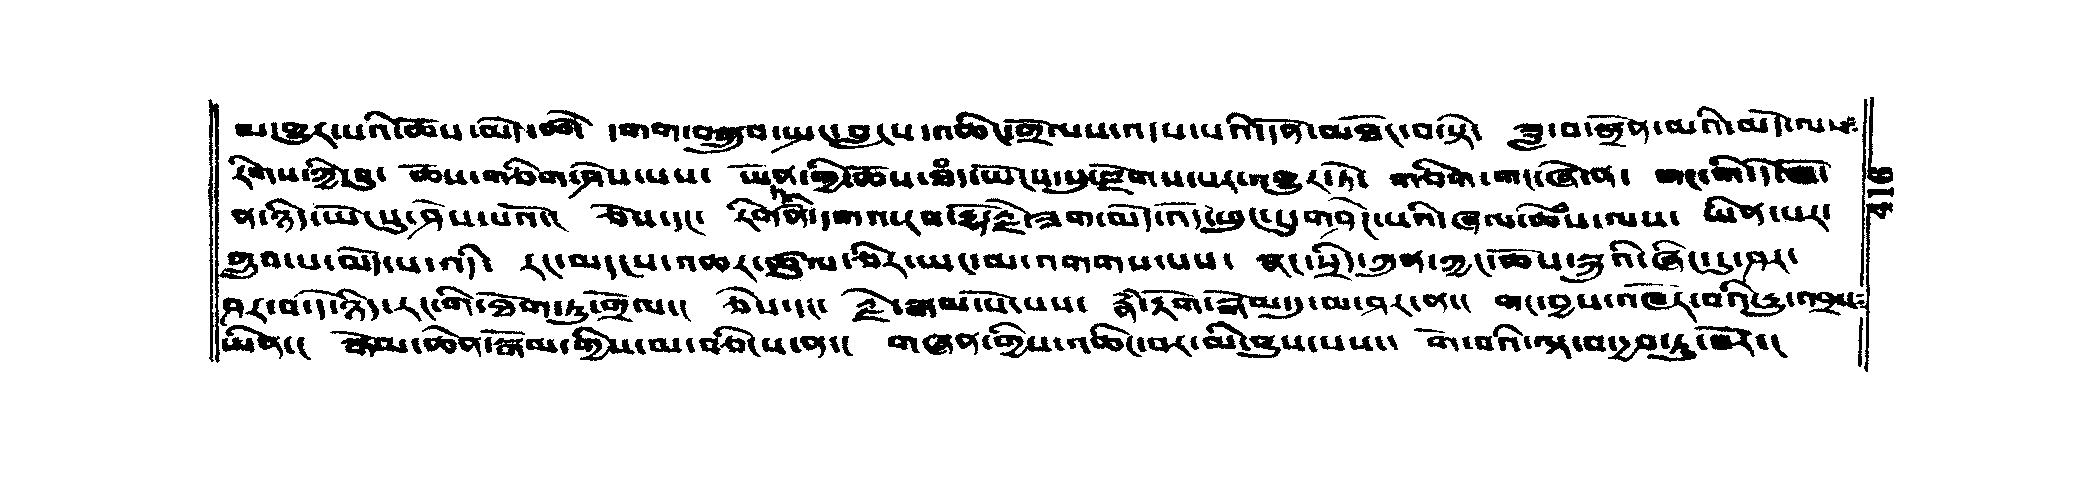མ་གྱུར་པའི་ཆོས་མེད་ཚེ། དགག་སྒྲུབ་སྤང་བླང་འཆིང་གྲོལ་ལས་འདས་པའི་དོན་མཐོང་བ་སྟེ། ཟླ་བ་སྒྲོན་མའི་མདོལས། 
རིགས་ཀྱི་བུ། ཆོས་གཅིག་ཤེས་པས་ཡོན་ཏན་གྱི་ཆོས་ཐམས་ཅད་ཡོངས་སུ་རྫོགས་པར་འགྱུར་ཏེ། གཅིག་གང་ཞེ་ན། གང་གི་དེ་ཁ་
ན་ཉིད་ཡོངས་སུ་ཤེས་པའོ། ཅེས་དང་། རིག་འཛིན་དགའ་རབ་རྡོ་རྗེ་ཟག་མེད་འོད་ཕུང་དུ་གཤེགས་པའི་ཞལ་ཆེམས་ལས། ཡིན་པར་
གྲུབ་པ་མེད་པ་འདི། །རང་མདངས་འཆར་ཚུལ་ཅིར་ཡང་མ་འགག་པས། །སྣང་སྲིད་ཀུན་ཀྱང་ཆོས་སྐུའི་ཞིང་དུ་ཤར། །
ཤར་བ་དེ་ཉིད་རང་གི་ཐོག་ཏུ་གྲོལ། །ཅེས་དང་། རྗེ་སྒམ་པོ་པས། རྣམ་རྟོག་སྒོམ་དུ་མ་ཤར་ན། །གང་བྱེད་འཁོར་བའི་རྒྱུ་འབྲས་
ཡིན། །སྒོམ་ཆེན་སྒོམ་གྱིས་མ་བཅིངས་ན། །གཞན་གྱིས་འཆིང་བར་མི་ནུས་པས། །གོ་བའི་ལྟ་བ་རྒྱབ་ཏུ་བོར། །